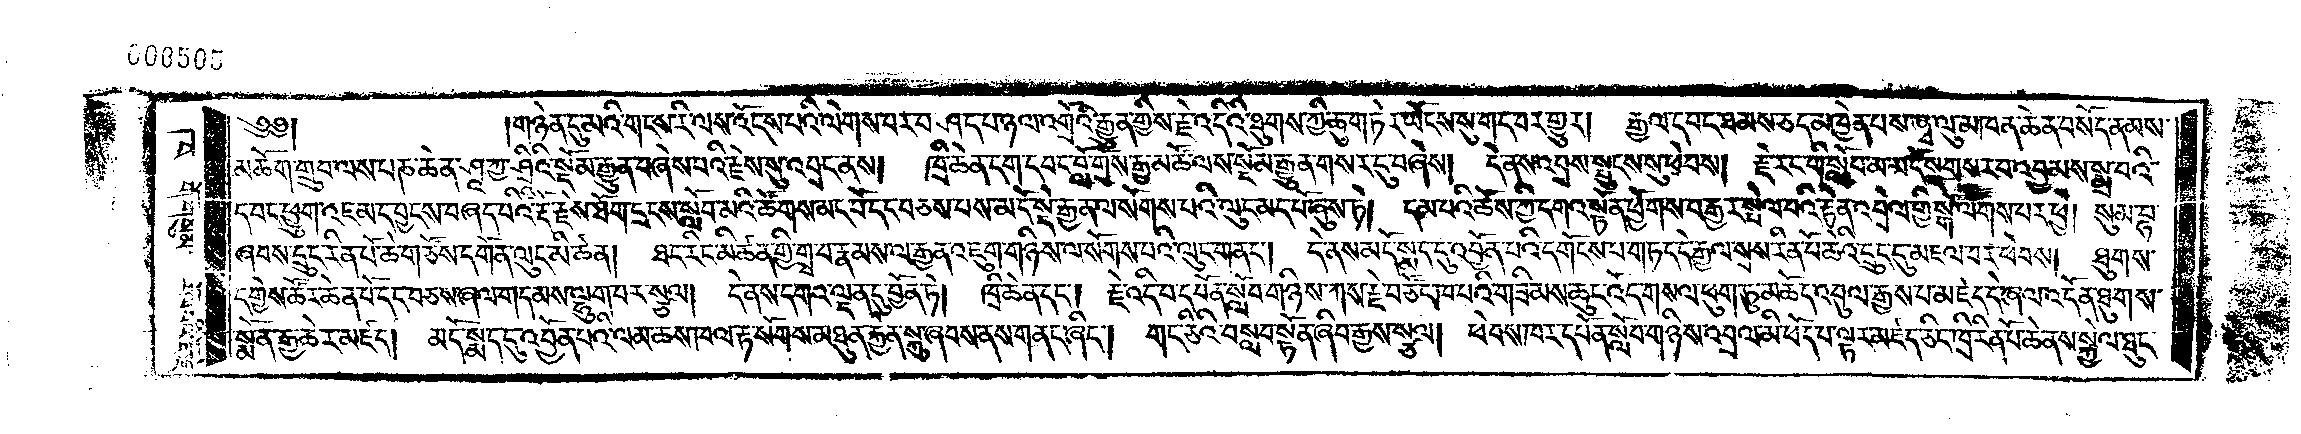༄༅། །གཉེན་དུ་མའི་གངས་རི་ལས་འོངས་པའི་ལེགས་པར་བཤད་པ་ཉལ་འགྲོའི་རྒྱུན་གྱིས་རྗེ་འདིའི་ཐུགས་ཀྱི་ཆུ་གཏེར་ཡོངས་སུ་གད་བར་གྱུར། རྒྱལ་དབང་ཐམས་ཅད་མཁྱེན་པས་ཞྭ་ལུ་མཁན་ཆེན་བསོད་ནམས་
མཆོག་གྲུབ་ལས་པཎ་ཆེན་ཤཱཀྱ་ཤྲིའི་སྡོམ་རྒྱུན་བཞེས་པའི་རྗེས་སུ་འབྲང་ནས། ཁྲི་ཆེན་ངག་དབང་བློ་གྲོས་རྒྱ་མཚོ་ལས་སྡོམ་རྒྱུན་གསར་དུ་བཞེས། དེ་ནས་འབྲས་སྤུངས་སུ་ཕེབས། རྗེ་རང་གི་སློབ་མ་མདོ་སྔགས་རབ་འབྱམས་སྨྲ་བའི་
དབང་ཕྱུག་འཇམ་དབྱངས་བཞད་པའི་རྡོ་རྗེས་ཐོག་དྲངས་སློབ་མའི་ཚོགས་མང་པོ་དང་བཅས་པས་མདོ་སྡེ་རྒྱན་ལ་སོགས་པའི་ལུང་མང་པོ་ཞུས་ཏེ། དམ་པའི་ཆོས་ཀྱི་དགའ་སྟོན་ཕྱོགས་བརྒྱར་སྤེལ་བའི་རྟེན་འབྲེལ་གྱི་སྒོ་ལེགས་པར་ཕྱེ། སུམ་བྷ་
ཞབས་དྲུང་རིན་པོ་ཆེ་གཙོས་དགོན་ལུང་མི་ཆེན། ཐང་རིང་མི་ཚན་གྱི་གྲྭ་བ་རྣམས་ལ་རྒྱན་འཇུག་གཉིས་ལ་སོགས་པའི་ལུང་གནང་། དེ་ནས་མདོ་སྨད་དུ་འབྱོན་པའི་དགོངས་པ་གཏད་དེ་རྒྱལ་སྲས་རིན་པོ་ཆེའི་དྲུང་དུ་མཇལ་བར་ཕེབས། ཐུགས་
དགྱེས་ཚོར་ཆེན་པོ་དང་བཅས་ཞལ་གདམས་ལྷུག་པར་སྩལ། དེ་ནས་དགའ་ལྡན་དུ་བྱོན་ཏེ། ཁྲི་ཆེན་དང་། རྗེ་འདི་བ་དཔོན་སློབ་གཉིས་ཀས་རྗེ་བཙོང་ཁ་པའི་གཟིམས་ཆུང་འོད་གསལ་ཕུག་ཏུ་མཆོད་འབུལ་རྒྱས་པ་མཛད་དེ་ཞལ་འདོན་ཐུགས་
སྨོན་རྒྱ་ཆེར་མཛད། མདོ་སྨད་དུ་འབྱོན་པའི་ལམ་ཆས་ཁལ་རྟ་སོགས་མཐུན་རྐྱེན་སྐུ་ཞབས་ནས་གནང་ཞིང་། གང་ཅིའི་བསླབ་སྟོན་ཞིབ་རྒྱས་སྩལ། ཕེབས་ཁར་དཔོན་སློབ་གཉིས་འབྲལ་མི་ཕོད་པ་ལྟར་མཛད་ཅིང་ཁྲི་རིན་པོ་ཆེ་ནས་སྐྱེལ་ཐུད་